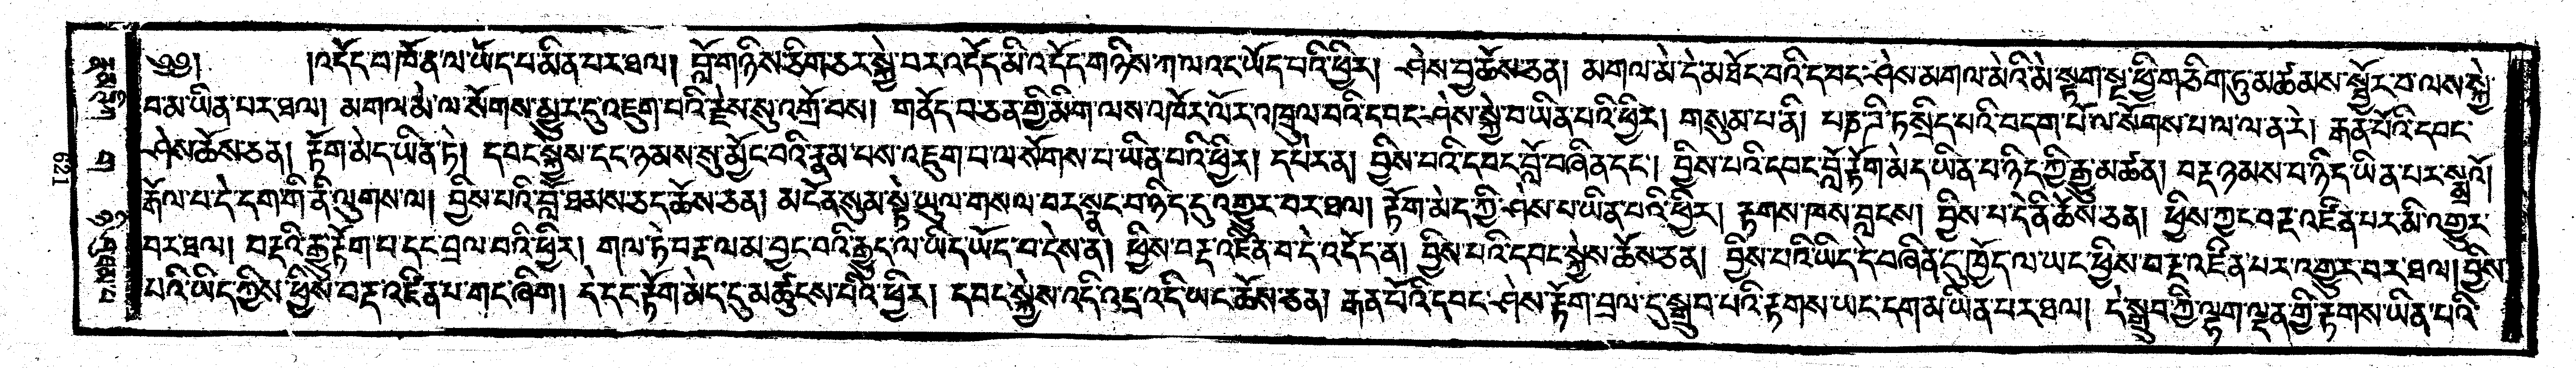༄༅། །འདོད་པ་ཁོ་ན་ལ་ཡོད་པ་མིན་པར་ཐལ། བློ་གཉིས་ཅིག་ཅར་སྐྱེ་བར་འདོད་མི་འདོད་གཉིས་ཀ་ལའང་ཡོད་པའི་ཕྱིར། ཤེས་བྱ་ཆོས་ཅན། མགལ་མེ་དེ་མཐོང་བའི་དབང་ཤེས་མགལ་མེའི་མེ་སྟག་སྔ་ཕྱི་གཅིག་ཏུ་མཚམས་སྦྱོར་བ་ལས་སྐྱེ་
བ་མ་ཡིན་པར་ཐལ། མགལ་མེ་ལ་སོགས་མྱུར་དུ་འཇུག་པའི་རྗེས་སུ་འགྲོ་བས། གནོད་པ་ཅན་གྱི་མིག་ལས་འཁོར་ལོར་འཁྲུལ་བའི་དབང་ཤེས་སྐྱེ་བ་ཡིན་པའི་ཕྱིར། གསུམ་པ་ནི། པཎ་ཌི་ཏ་སྲིད་པའི་བདག་པོ་ལ་སོགས་པ་ལ་ལ་ན་རེ། རྒན་པོའི་དབང་
ཤེས་ཆོས་ཅན། རྟོག་མེད་ཡིན་ཏེ། དབང་སྐྱེས་དང་ཉམས་སུ་མྱོང་བའི་རྣམ་པས་འཇུག་པ་ལ་སོགས་པ་ཡིན་པའི་ཕྱིར། དཔེར་ན། བྱིས་པའི་དབང་བློ་བཞིན་དང་། བྱིས་པའི་དབང་བློ་རྟོག་མེད་ཡིན་པ་ཉིད་ཀྱི་རྒྱུ་མཚན། བརྡ་ཉམས་པ་ཉིད་ཡིན་པར་སྨྲའོ། །
རྒོལ་པ་དེ་དག་གི་ནི་ལུགས་ལ། བྱིས་པའི་བློ་ཐམས་ཅད་ཆོས་ཅན། མངོན་སུམ་སྟེ་ཡུལ་གསལ་བར་སྣང་བ་ཉིད་དུ་འགྱུར་བར་ཐལ། རྟོག་མེད་ཀྱི་ཤེས་པ་ཡིན་པའི་ཕྱིར། རྟགས་ཁས་བླངས། བྱིས་པ་དེ་ནི་ཆོས་ཅན། ཕྱིས་ཀྱང་བརྡ་འཛིན་པར་མི་འགྱུར་
བར་ཐལ། བརྡའི་རྒྱུ་རྟོག་པ་དང་བྲལ་བའི་ཕྱིར། གལ་ཏེ་བརྡ་ལམ་བྱང་བའི་རྒྱུད་ལ་ཡིད་ཡོད་པ་དེས་ནི། ཕྱིས་བརྡ་འཛིན་པ་དེ་འདོད་ན། བྱིས་པའི་དབང་སྐྱེས་ཆོས་ཅན། བྱིས་པའི་ཡིན་དེ་བཞིན་དུ་ཁྱོད་ལ་ཡང་ཕྱིས་བརྡ་འཛིན་པར་འགྱུར་བ་ཐལ། བྱིས་
པའི་ཡིད་ཀྱིས་ཕྱིས་བརྡ་འཛིན་པ་གང་ཞིག། དེ་དང་རྟོག་མེད་དུ་མཚུངས་པའི་ཕྱིར། དབང་སྐྱེས་འདི་འདྲ་འདི་ཡང་ཆོས་ཅན། རྒན་པོའི་དབང་ཤེས་རྟོག་བྲལ་དུ་སྒྲུབ་པའི་རྟགས་ཡང་དག་མ་ཡིན་པར་ཐལ། དེ་སྒྲུབ་ཀྱི་ལྷག་ལྡན་གྱི་རྟགས་ཡིན་པའི་